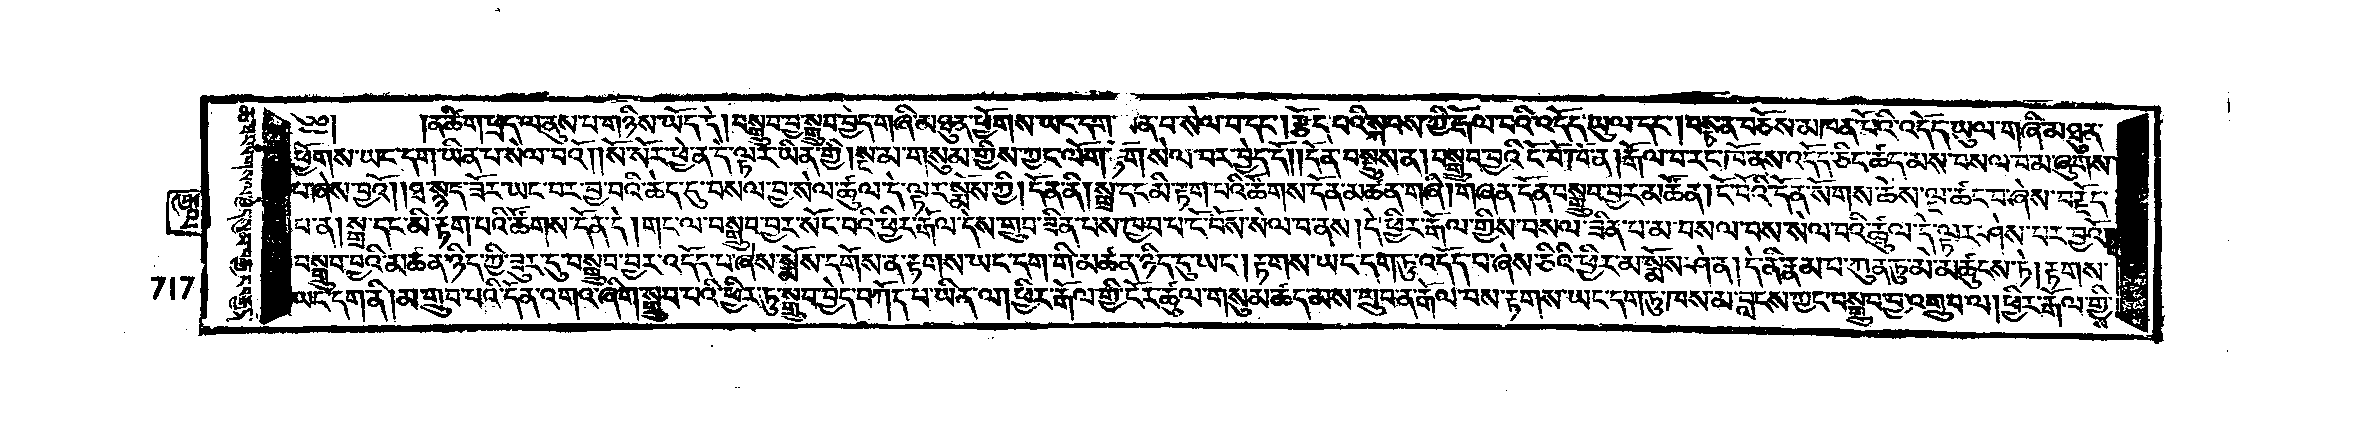༄༅། །ན་ཚིག་ཕྲད་ལ་ནུས་པ་གཉིས་ཡོད་དེ། བསྒྲུབ་བྱ་སྒྲུབ་བྱེད་གཞི་མཐུན་ཕྱོགས་ཡང་དག་ཡིན་པ་སེལ་བ་དང་། རྩོད་པའི་སྐབས་ཀྱི་རྒོལ་བའི་འདོད་ཡུལ་དང་། བསྟན་བཅོས་མཁན་པོའི་འདོད་ཡུལ་གཞི་མཐུན་
ཕྱོགས་ཡང་དག་ཡིན་པ་སེལ་བའོ། །སོ་སོར་ཕྱེ་ན་དེ་ལྟར་ཡིན་གྱི། སྔ་མ་གསུམ་གྱིས་ཀྱང་ལོག་རྟོག་སེལ་བར་བྱེད་དོ། །དོན་བསྡུས་ན། བསྒྲུབ་བྱའི་ངོ་བོ་ཁོ་ན། རྒོལ་བ་རང་ཁོ་ནས་འདོད་ཅིང་ཚད་མས་བསལ་བ་མ་ཞུགས་
པ་ཞེས་བྱའོ། །ཐ་སྙད་ཟོར་ཡང་བར་བྱ་བའི་ཆེད་དུ་བསལ་བྱ་སེལ་ཚུལ་དེ་ལྟར་སྨོས་ཀྱི། དོན་ནི། སྒྲ་དང་མི་རྟག་པའི་ཚོགས་དོན་མཚན་གཞི། གཞན་དོན་བསྒྲུབ་བྱར་མཚོན། ངོ་བོའི་དོན་སོགས་ཆོས་ལྔ་ཚང་བ་ཞེས་བརྗོད་
པ་ན། སྒྲ་དང་མི་རྟག་པའི་ཚོགས་དོན་དེ། གང་ལ་བསྒྲུབ་བྱར་སོང་བའི་ཕྱིར་རྒོལ་དེས་གྲུབ་ཟིན་པས་ཁྱབ་པ་ངོ་བོས་སེལ་བ་ནས། དེ་ཕྱིར་རྒོལ་གྱིས་བསལ་ཟིན་པ་མ་བསལ་བས་སེལ་བའི་ཚུལ་དེ་ལྟར་ཤེས་པར་བྱའོ།
བསྒྲུབ་བྱའི་མཚན་ཉིད་ཀྱི་ཟུར་དུ་བསྒྲུབ་བྱར་འདོད་པ་ཞེས་སྨོས་དགོས་ན་རྟགས་ཡང་དག་གི་མཚན་ཉིད་དུ་ཡང་། རྟགས་ཡང་དག་ཏུ་འདོད་པ་ཞེས་ཅིའི་ཕྱིར་མ་སྨོས་ཤེ་ན། དེ་ནི་རྣམ་པ་ཀུན་ཏུ་མེ་མཚུངས་ཏེ། རྟགས་
ཡང་དག་ནི། མ་གྲུབ་པའི་དོན་འགའ་ཞིག་སྒྲུབ་པའི་ཕྱིར་ཏུ་སྒྲུབ་བྱེད་བཀོད་པ་ཡིན་ལ། ཕྱིར་རྒོལ་གྱི་ངོར་ཚུལ་གསུམ་ཚད་མས་གྲུབ་ན་རྒོལ་བས་རྟགས་ཡང་དག་ཏུ་ཁས་མ་བླངས་ཀྱང་བསྒྲུབ་བྱ་འགྲུབ་ལ། ཕྱིར་རྒོལ་གྱིས་